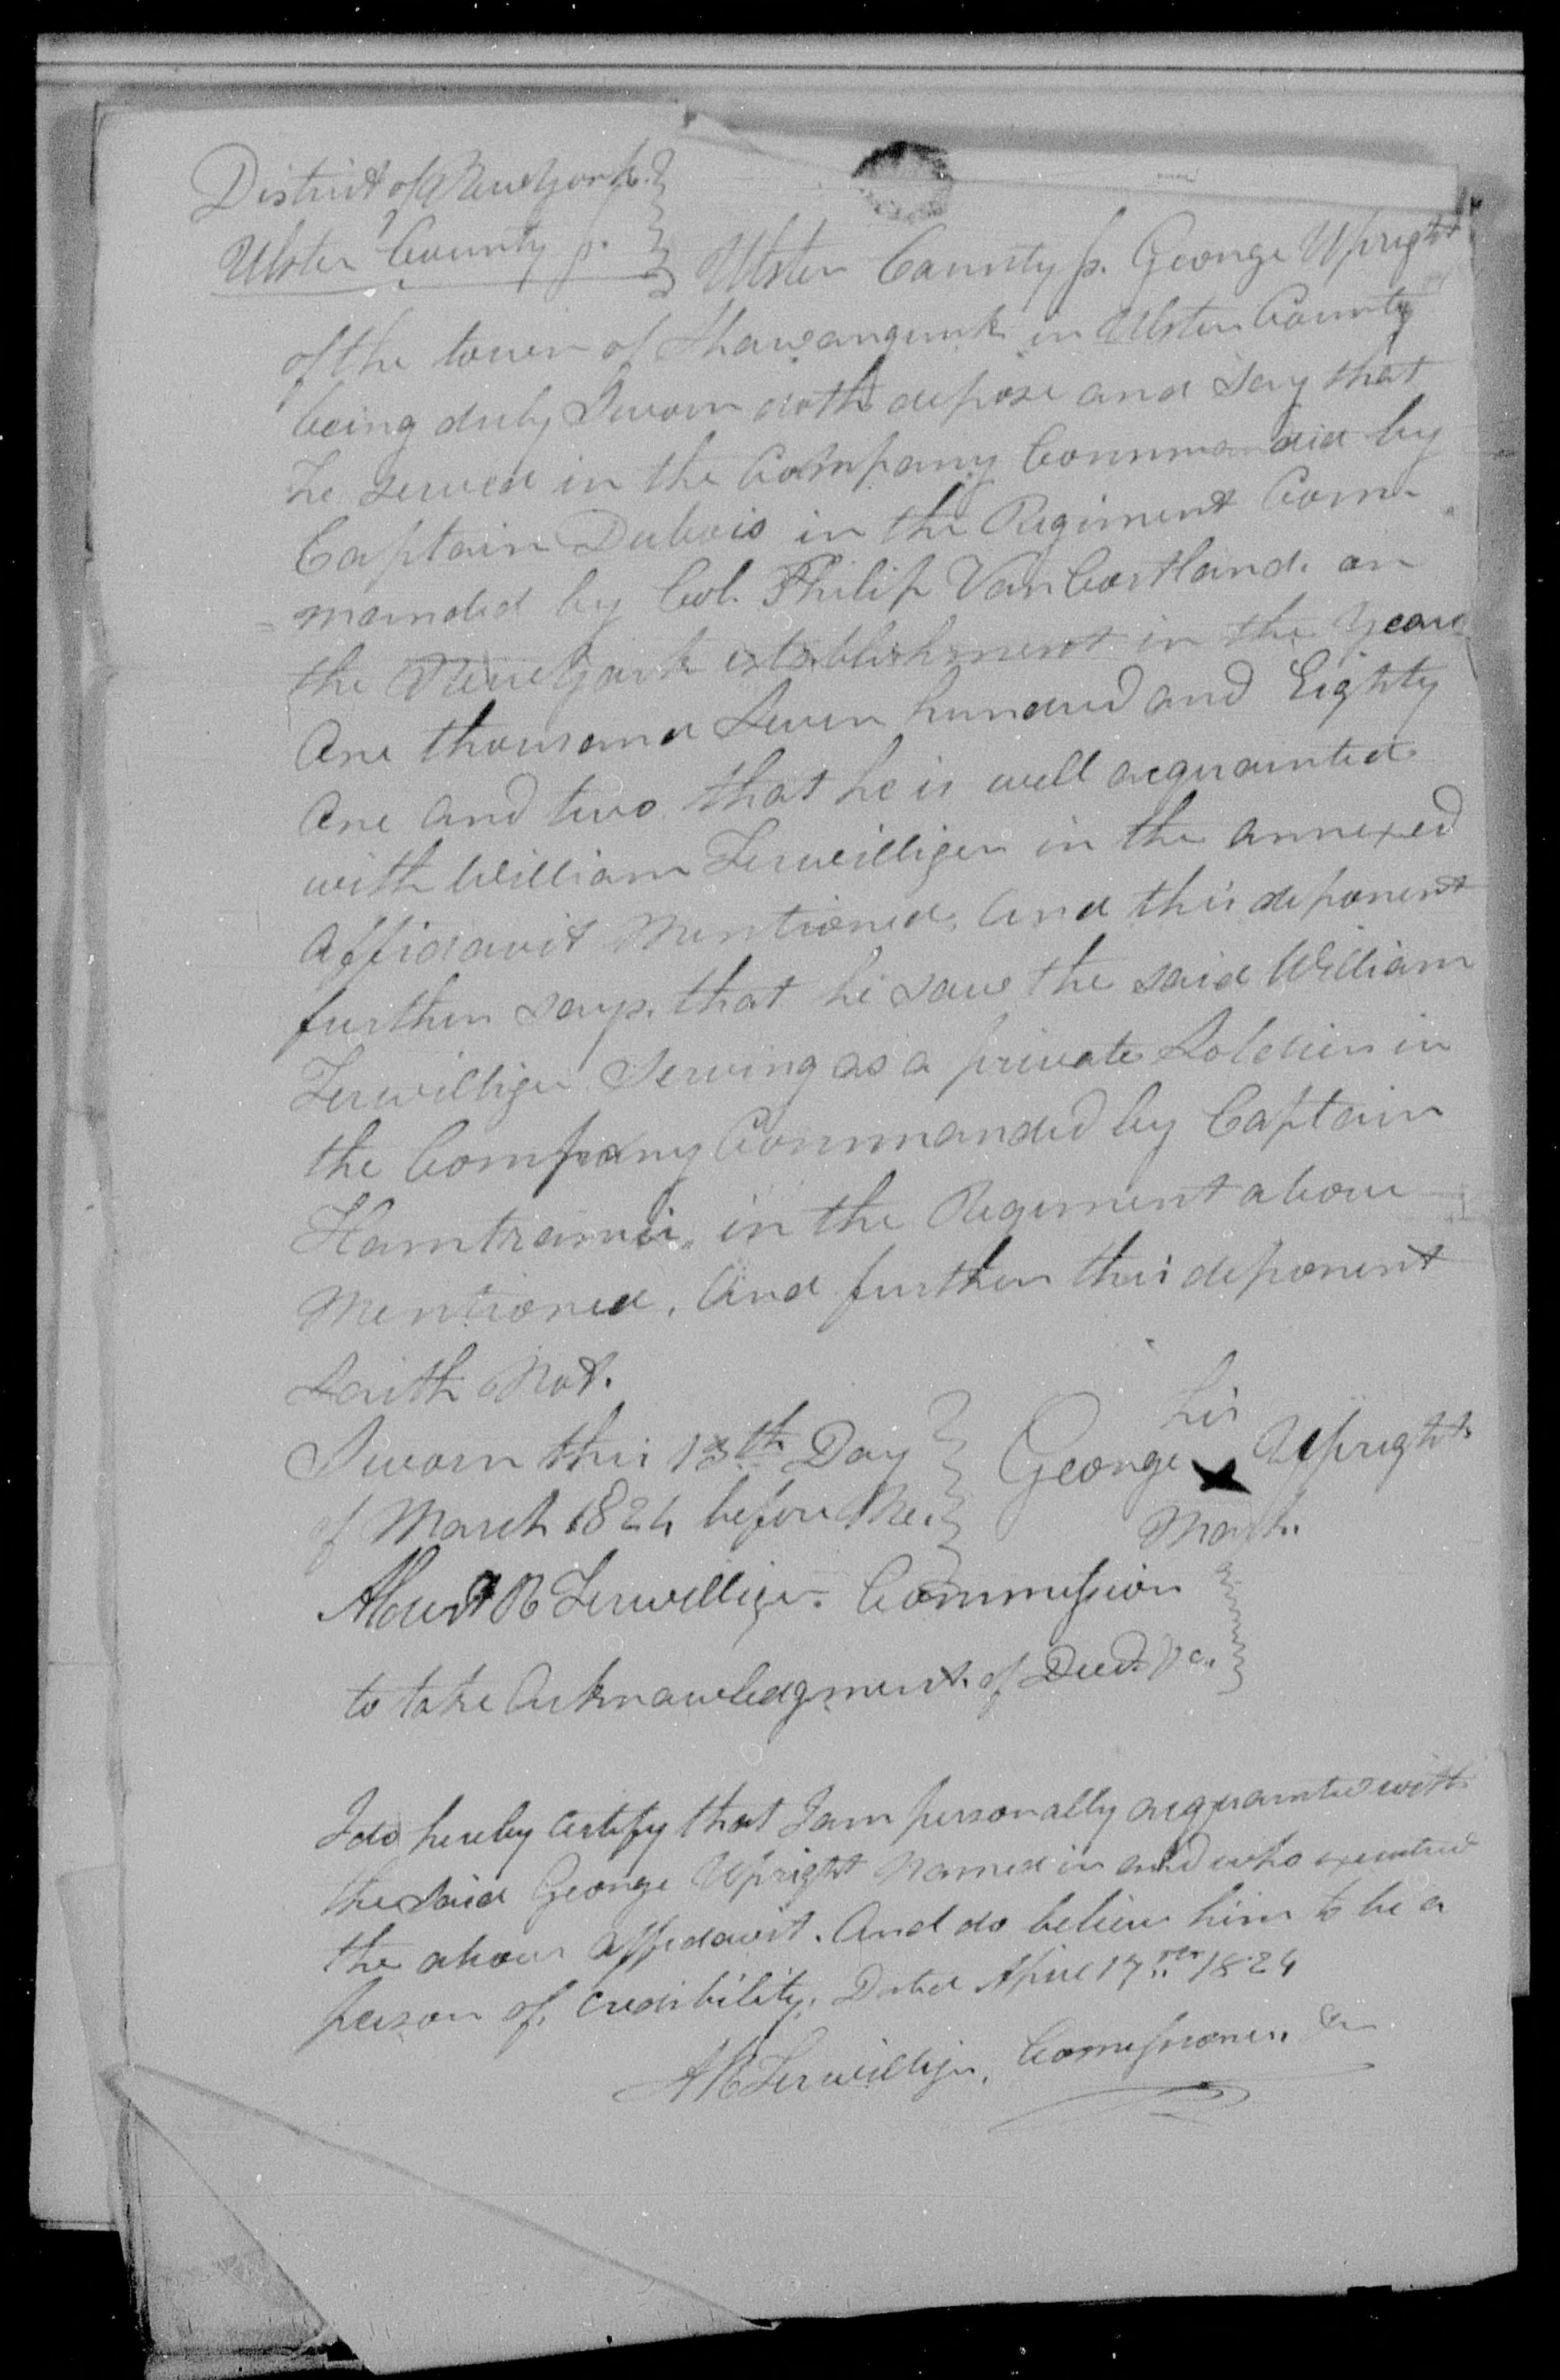District of New York
Ulster County
Ulster County Ss. George Wright
of the town of Shawangunk in Ulster County
being duly sworn doth depose and say that
he served in the company commanded by
Captain Dubois in the Regiment Commanded by Col Philip Van Cortland and
the New York establishment in the year
One thousand seven hundred and Eighty
one and two that he is well acquainted with
William Terwilliger in the annexed
affidavit mentioned, and this deponent
further says, that he saw the said William
Terwilliger serving as a private Soldier in
the Company commanded by Captain
Hamtramic in the Regiment above
mentioned, and further this deponent
saith not
Sworn this 13th Day
of March 1824 before he
Albert N Terwilliger Commissioner to take acknowledgement of Deeds
George his x mark Wright

I do hereby certify that I am personally acquainted with
the said George Wright named in and who executed
the above affidavit. And do believe him to be a
person of credibility Dated April 17th 1824
A N Terwilliger
Commissioner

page: 9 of 64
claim: survivor's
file: S. 42,464, for William Terwilliger, New York